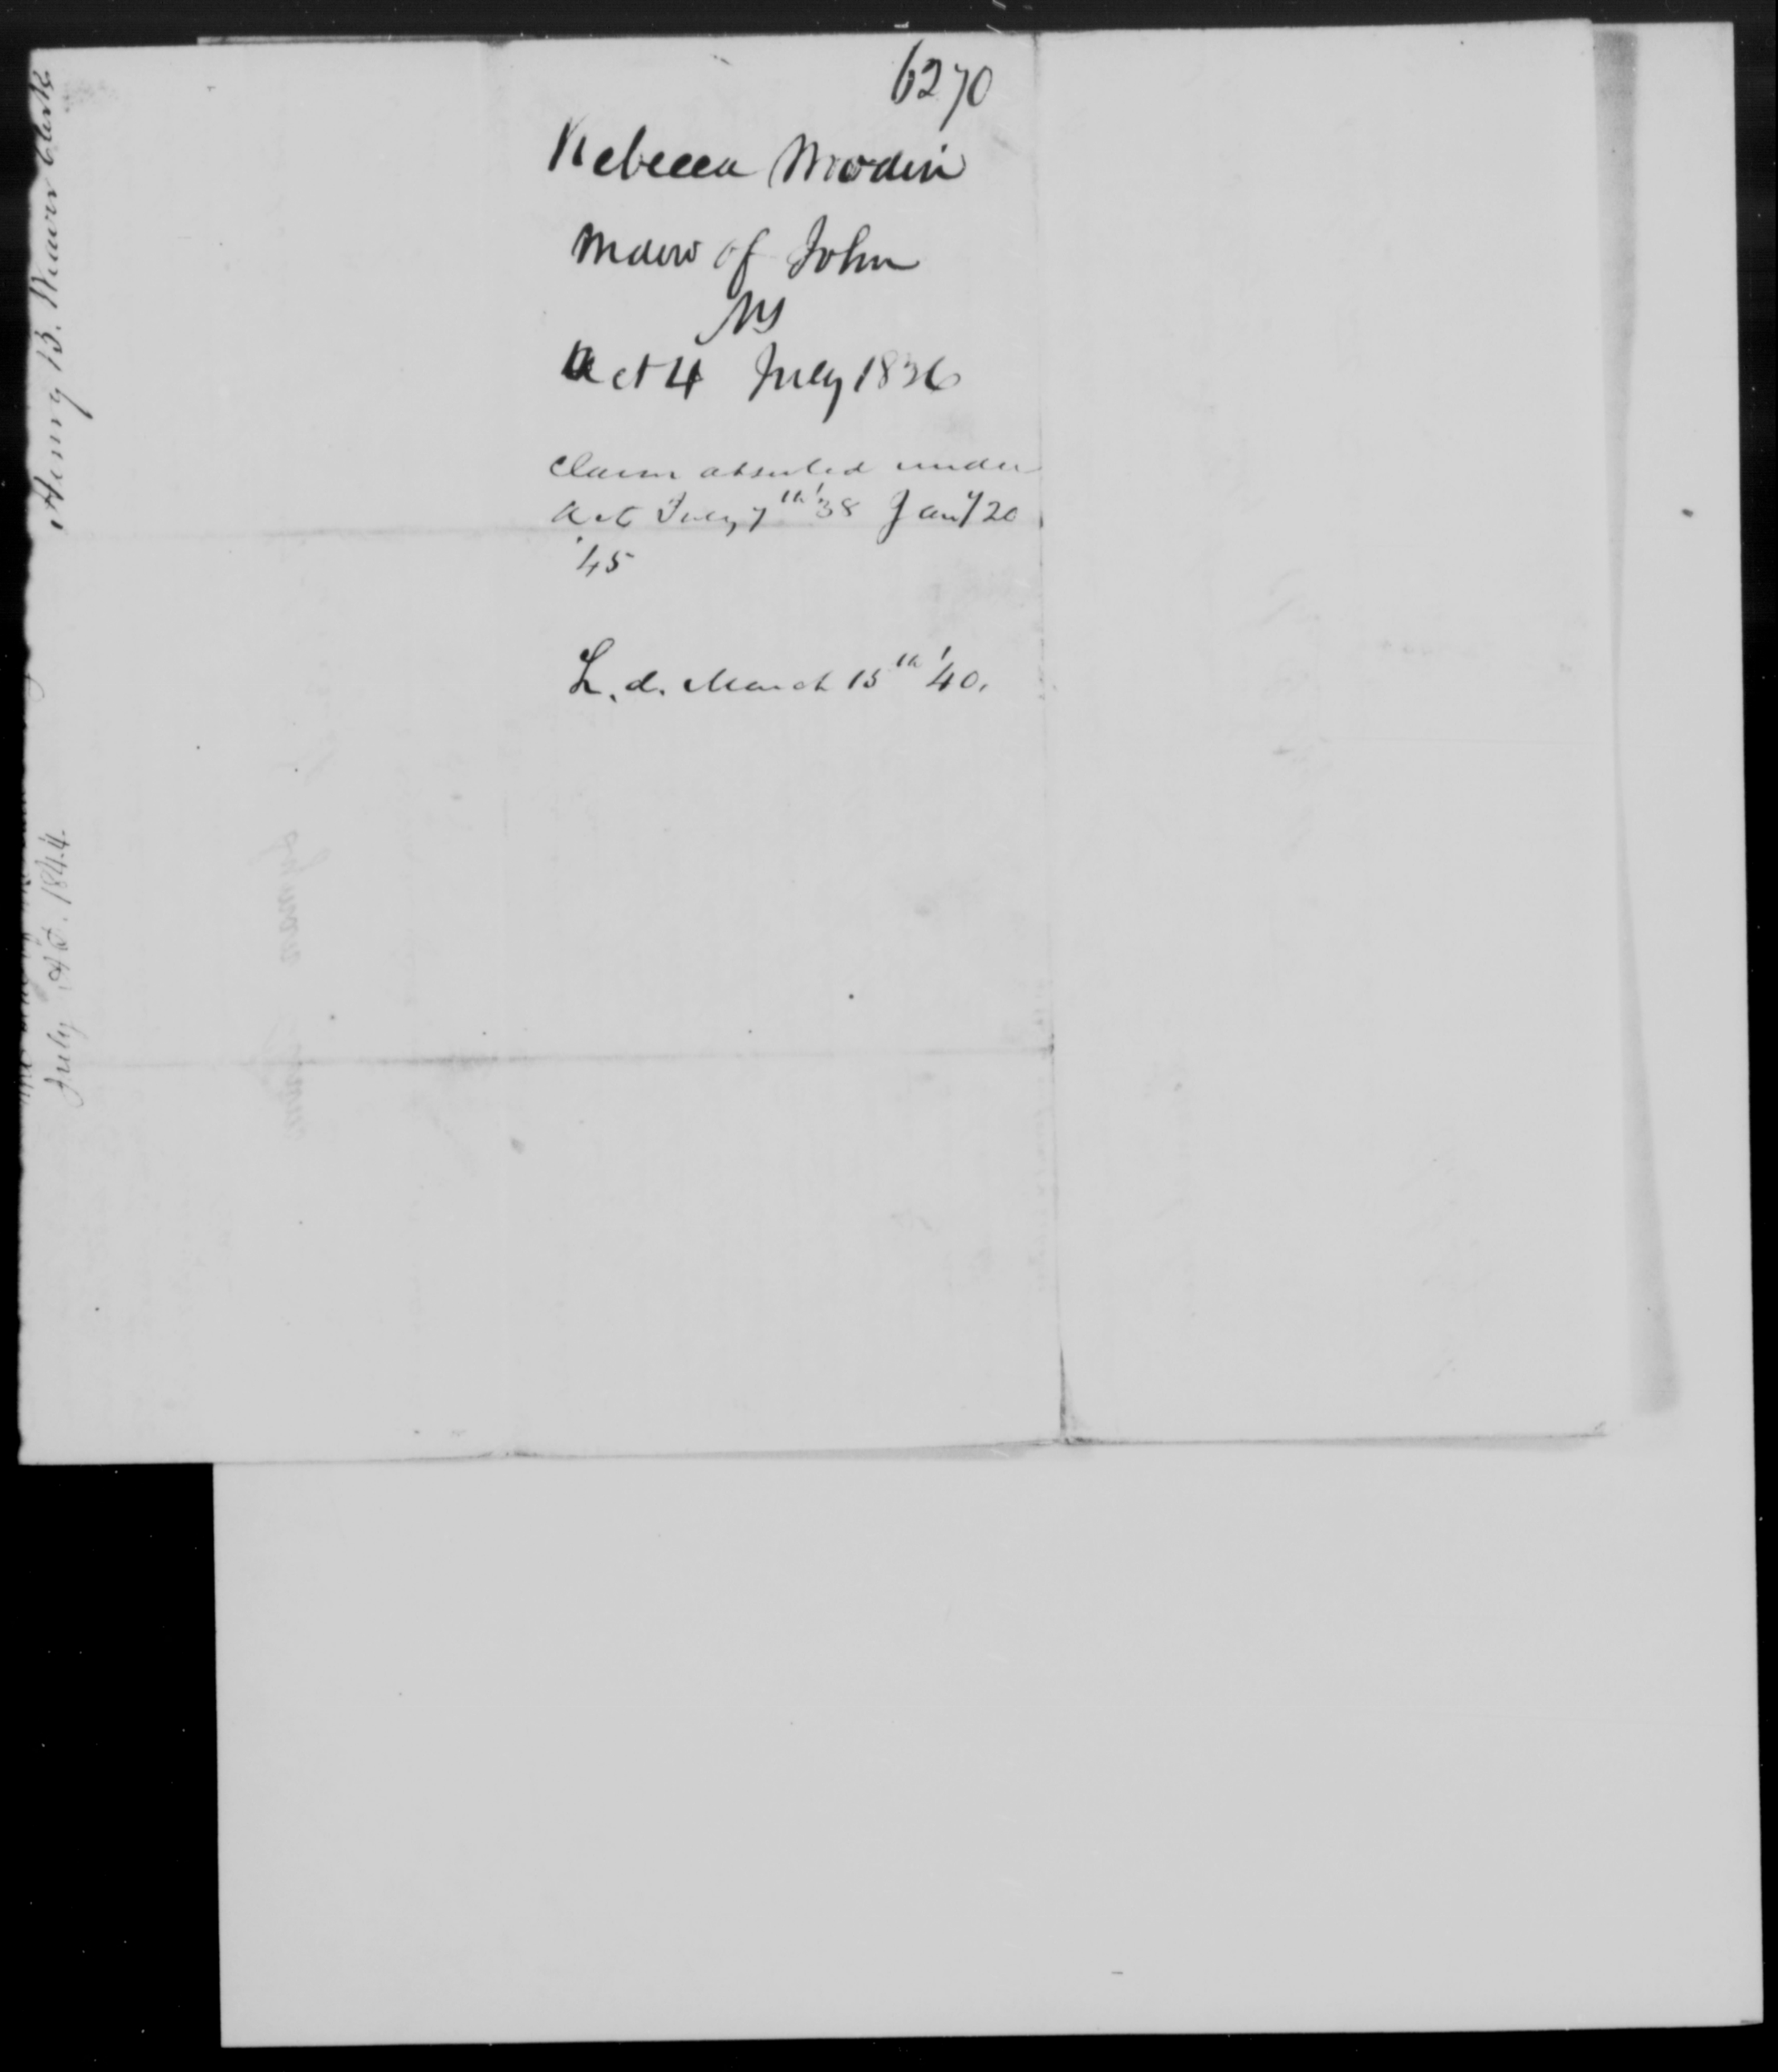6270
Rebecca Woodin
Widow of John
NY
Act 4 July 1826
claim [illegible] under Act July 7th '38 Jany 20 '45

L. d. March 15th '40.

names: Rebecca Woodin, John Woodin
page: 26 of 77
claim: widow's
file: W. 19658, John Woodin, New York